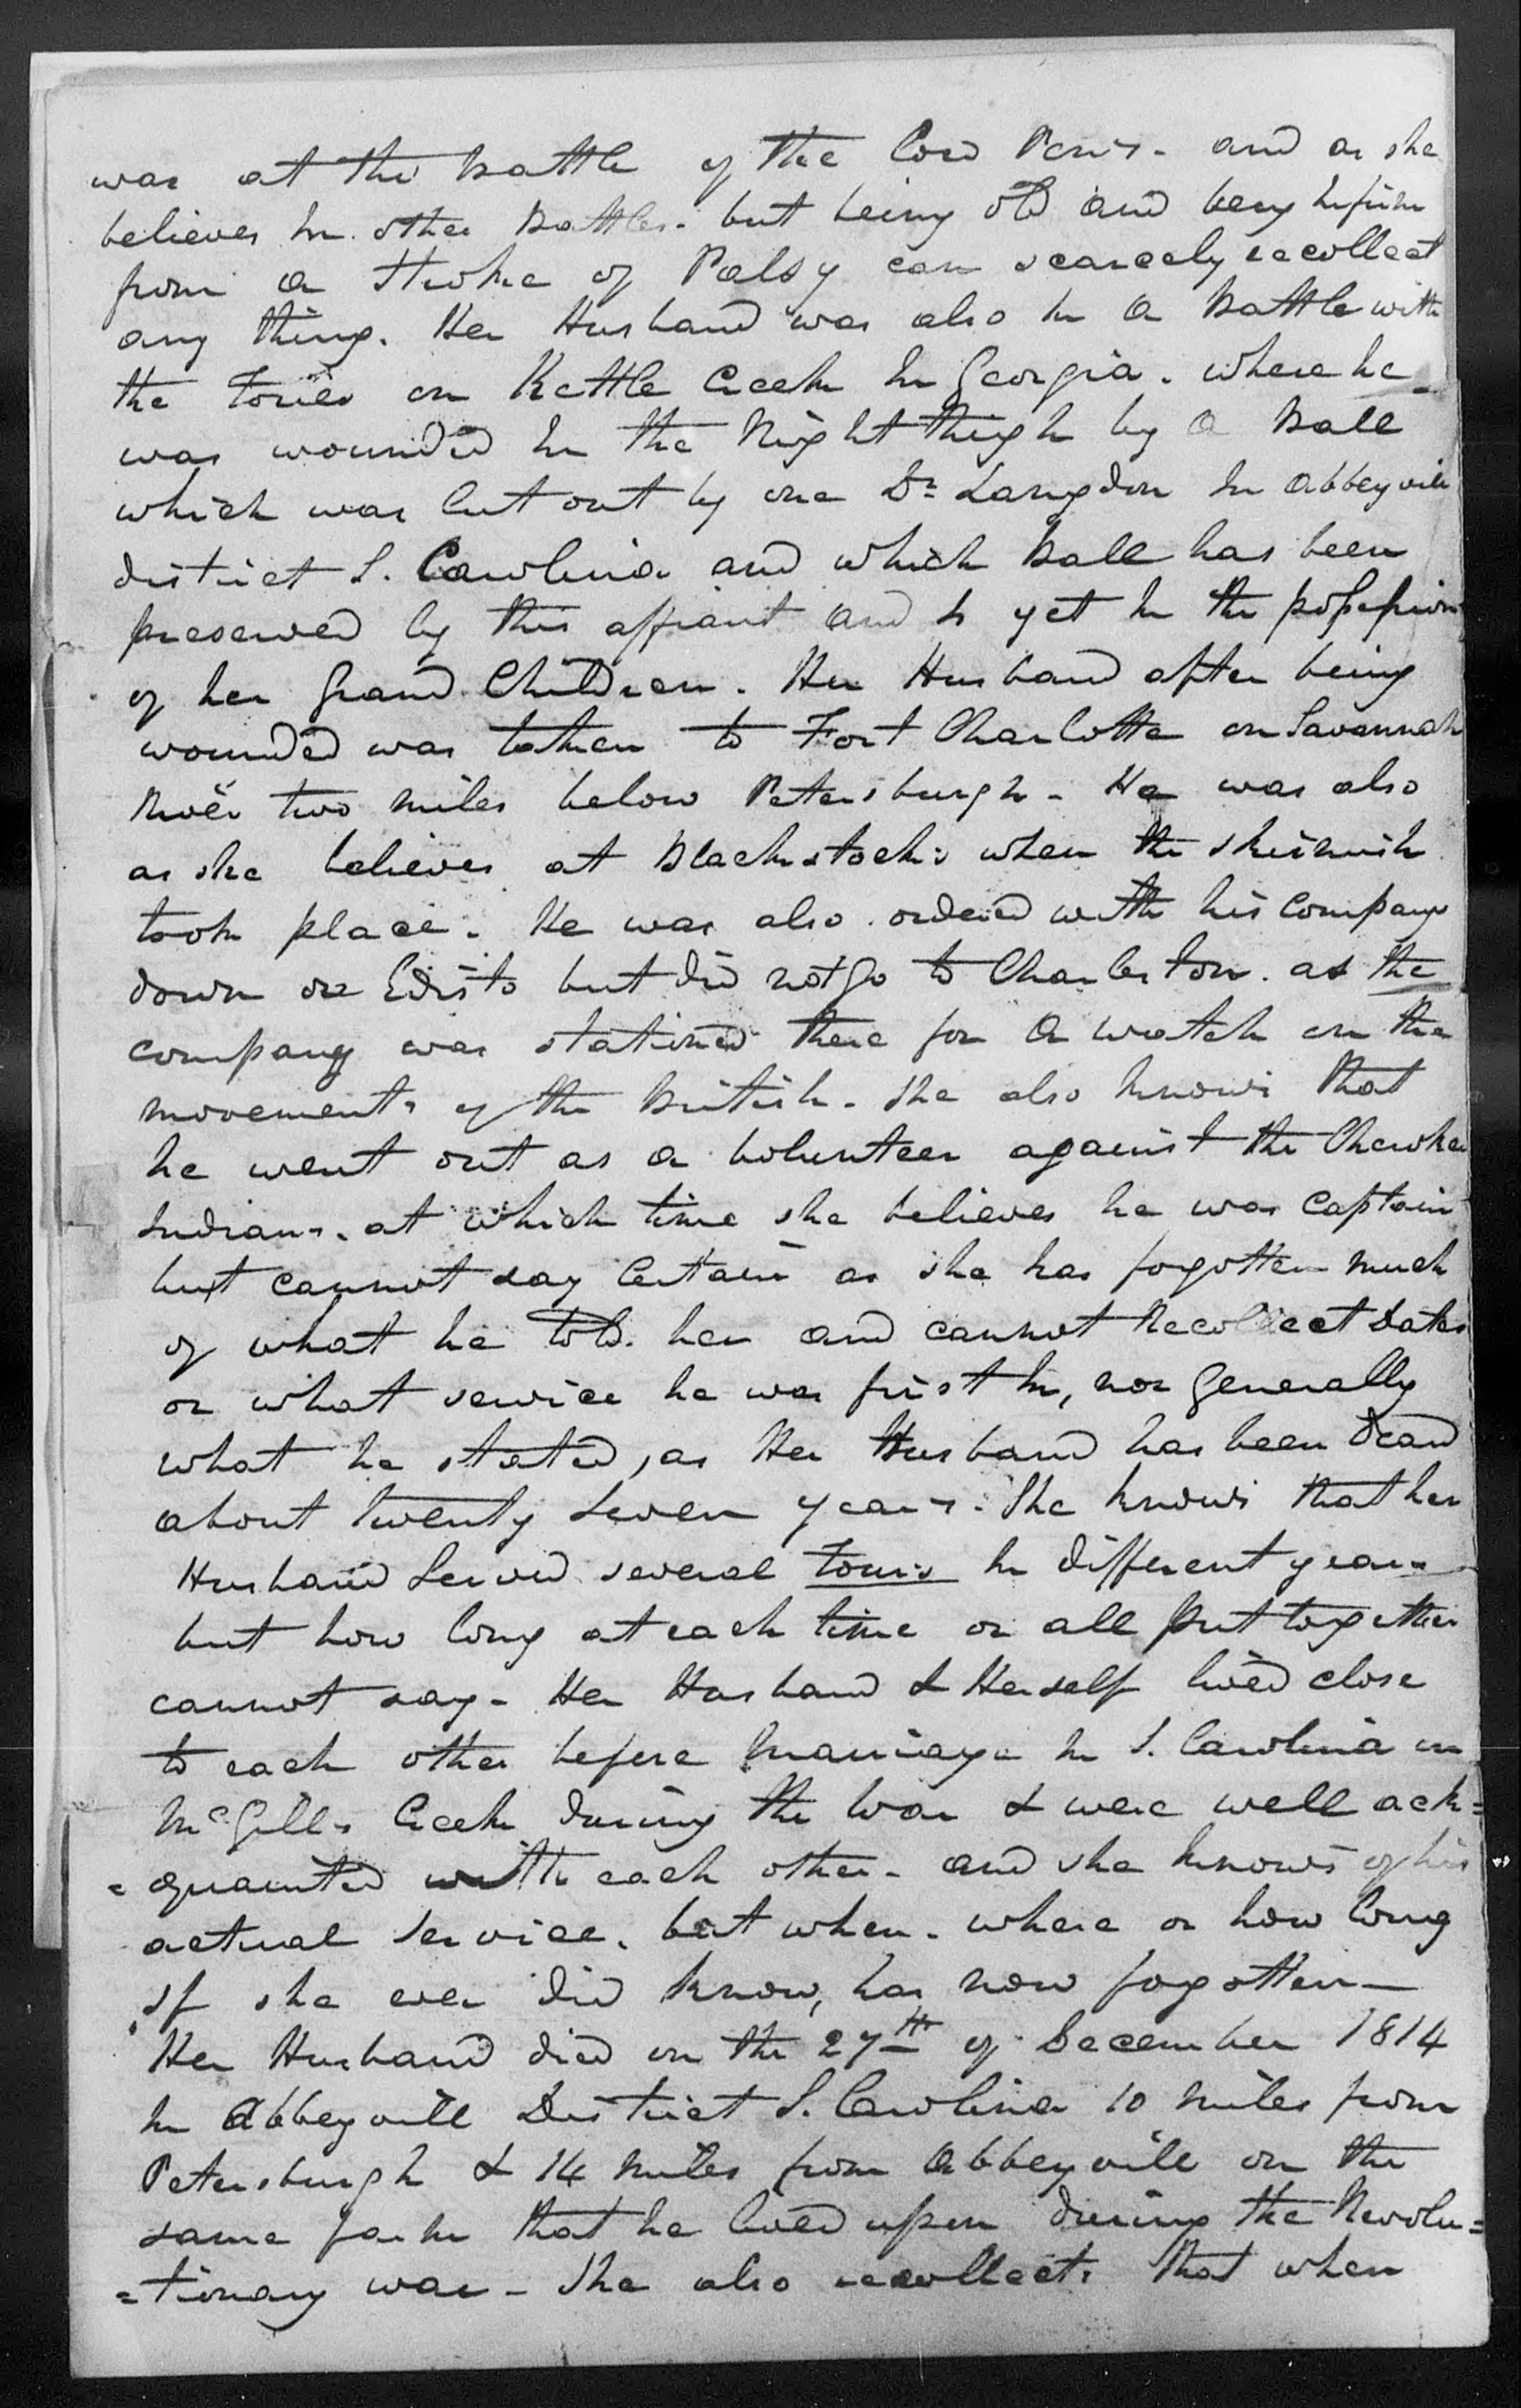was at the battle of the Cowpens, and as she believes in other Battles, but being old and very infirm from a stroke of Palsy can scarcely recollect any thing. Her Husband was also in a Battle with the Tories in Kettle Creek in Georgia, where he was wounded in the right thigh by a Ball which was cut out by one Dr Langdon in Abbeville district S. Carolina and which ball has been preserved by the affiant and yet in the possession of her grand children. Her Husband after being wounded was then to Fort Charlotte on Savannah River two miles below Patersburgh. He was also as she believes at Blackstocks when the skirmish took place. He was also ordered with his company down to Edisto but did not go to Charleston as the company was stationed there for a watch on the movement of the British. she also knows that he went out as a volunteer against the Cherokee Indians, at which time she believes he was captain but cannot say certain as she has forgotten much of what he told her and cannot recollect dates or what service he was first he was or generally what he stated, as her Husband has been dead about twenty seven years she knows that her Husband served several tours in different years but how long at each time or all put together she cannot say. Her husband & herself lived close to each other before marriage in S. Carolina in McGill's Creek during the war & were well acquainted with each other, and she knows of his actual service, but when, where or how long If she ever did know, has now forgotten-
Her Husband died on the 27th of December 1814 in Abbeville District S. Carolina 10 miles from
Petersburgh & 14 miles from Abbeville on the same farm that he lived upon during the Revolutionary war. She also recollect, that when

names: Langdon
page: 5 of 91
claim: widow's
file: W. 10576, Francis Carlisle, S.C.